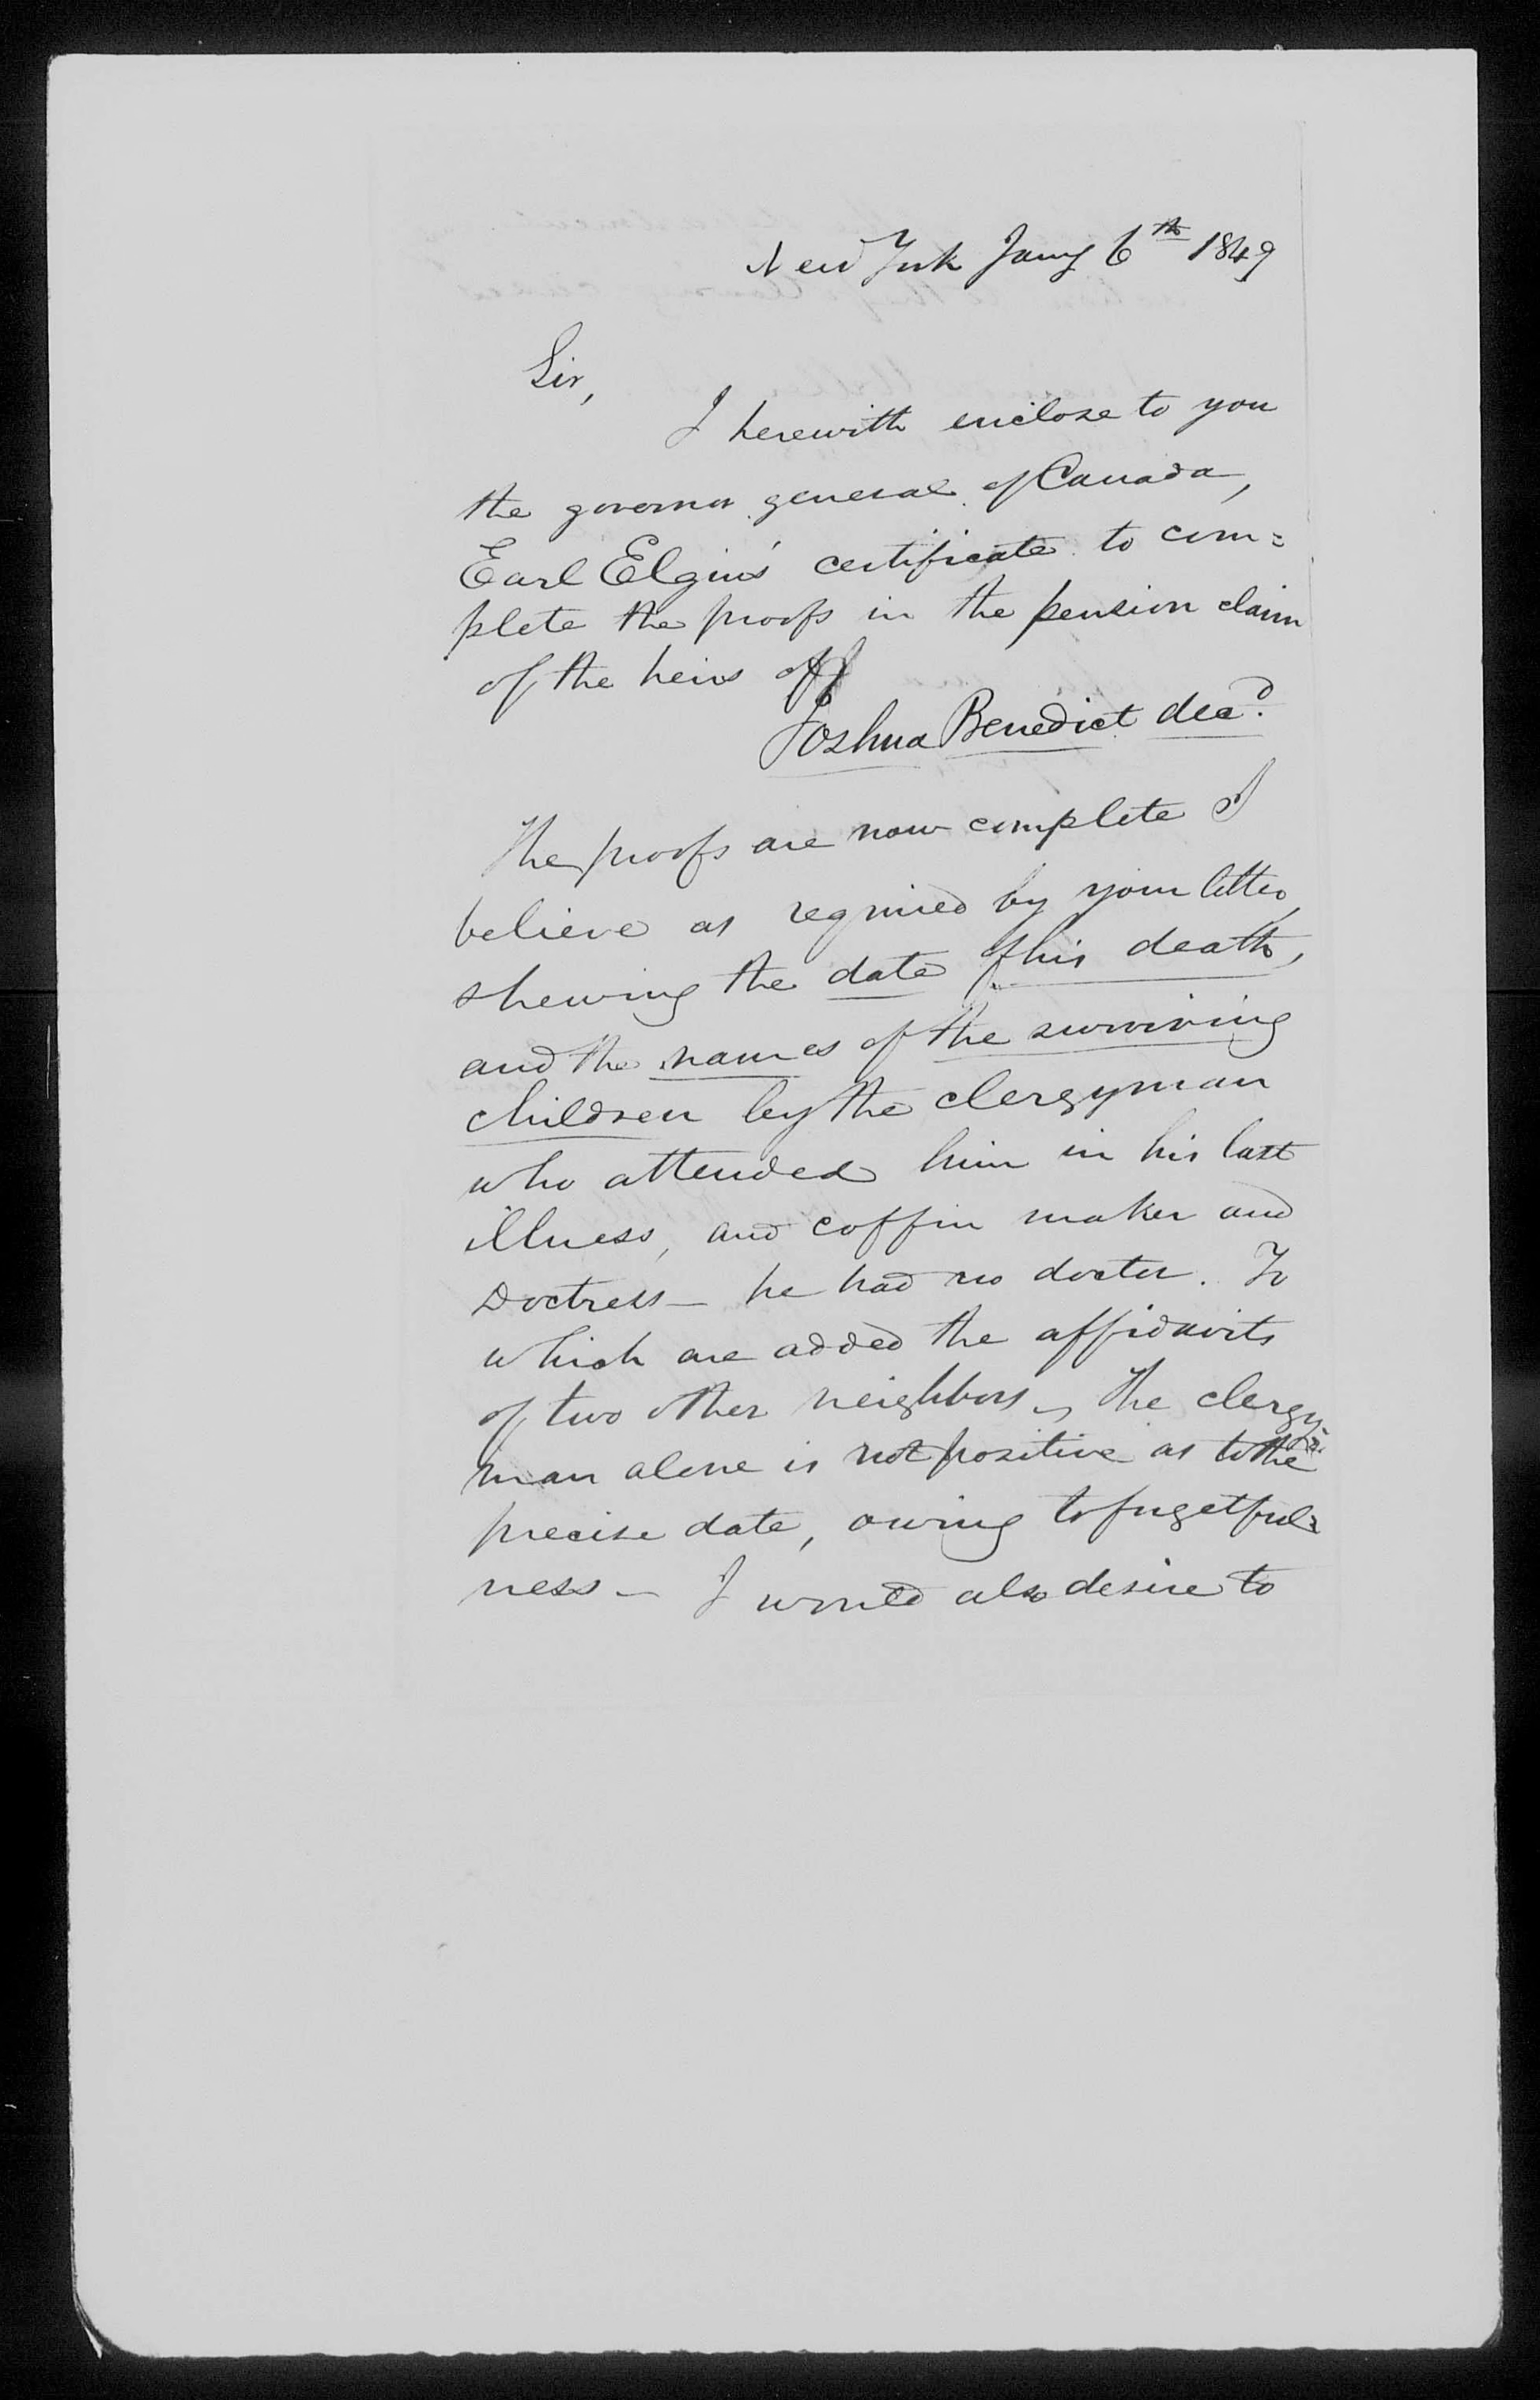New York Jany 6th 1849

Sir,
I herewith enclose to you the governor general of Canada, Earl Elgin's certificate to complete the proofs in the pension claim of the heirs of
Joshua Benedict decd.
The proofs are now complete I believe as required by your letter shewing [showing] the date of his death, and the names of the surviving children by the clergyman who attended him in his last illness, and coffin maker and Doctors, he had no doctor. To which are added the affidavits of two other neighbors. The clergyman alone is not positive as to the precise date, owing to forgetfulness.
I would also desire to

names: Joshua Benedict, Earl Elgin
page: 10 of 106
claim: survivor's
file: S 23,116., Joshua Benedict, Conn.